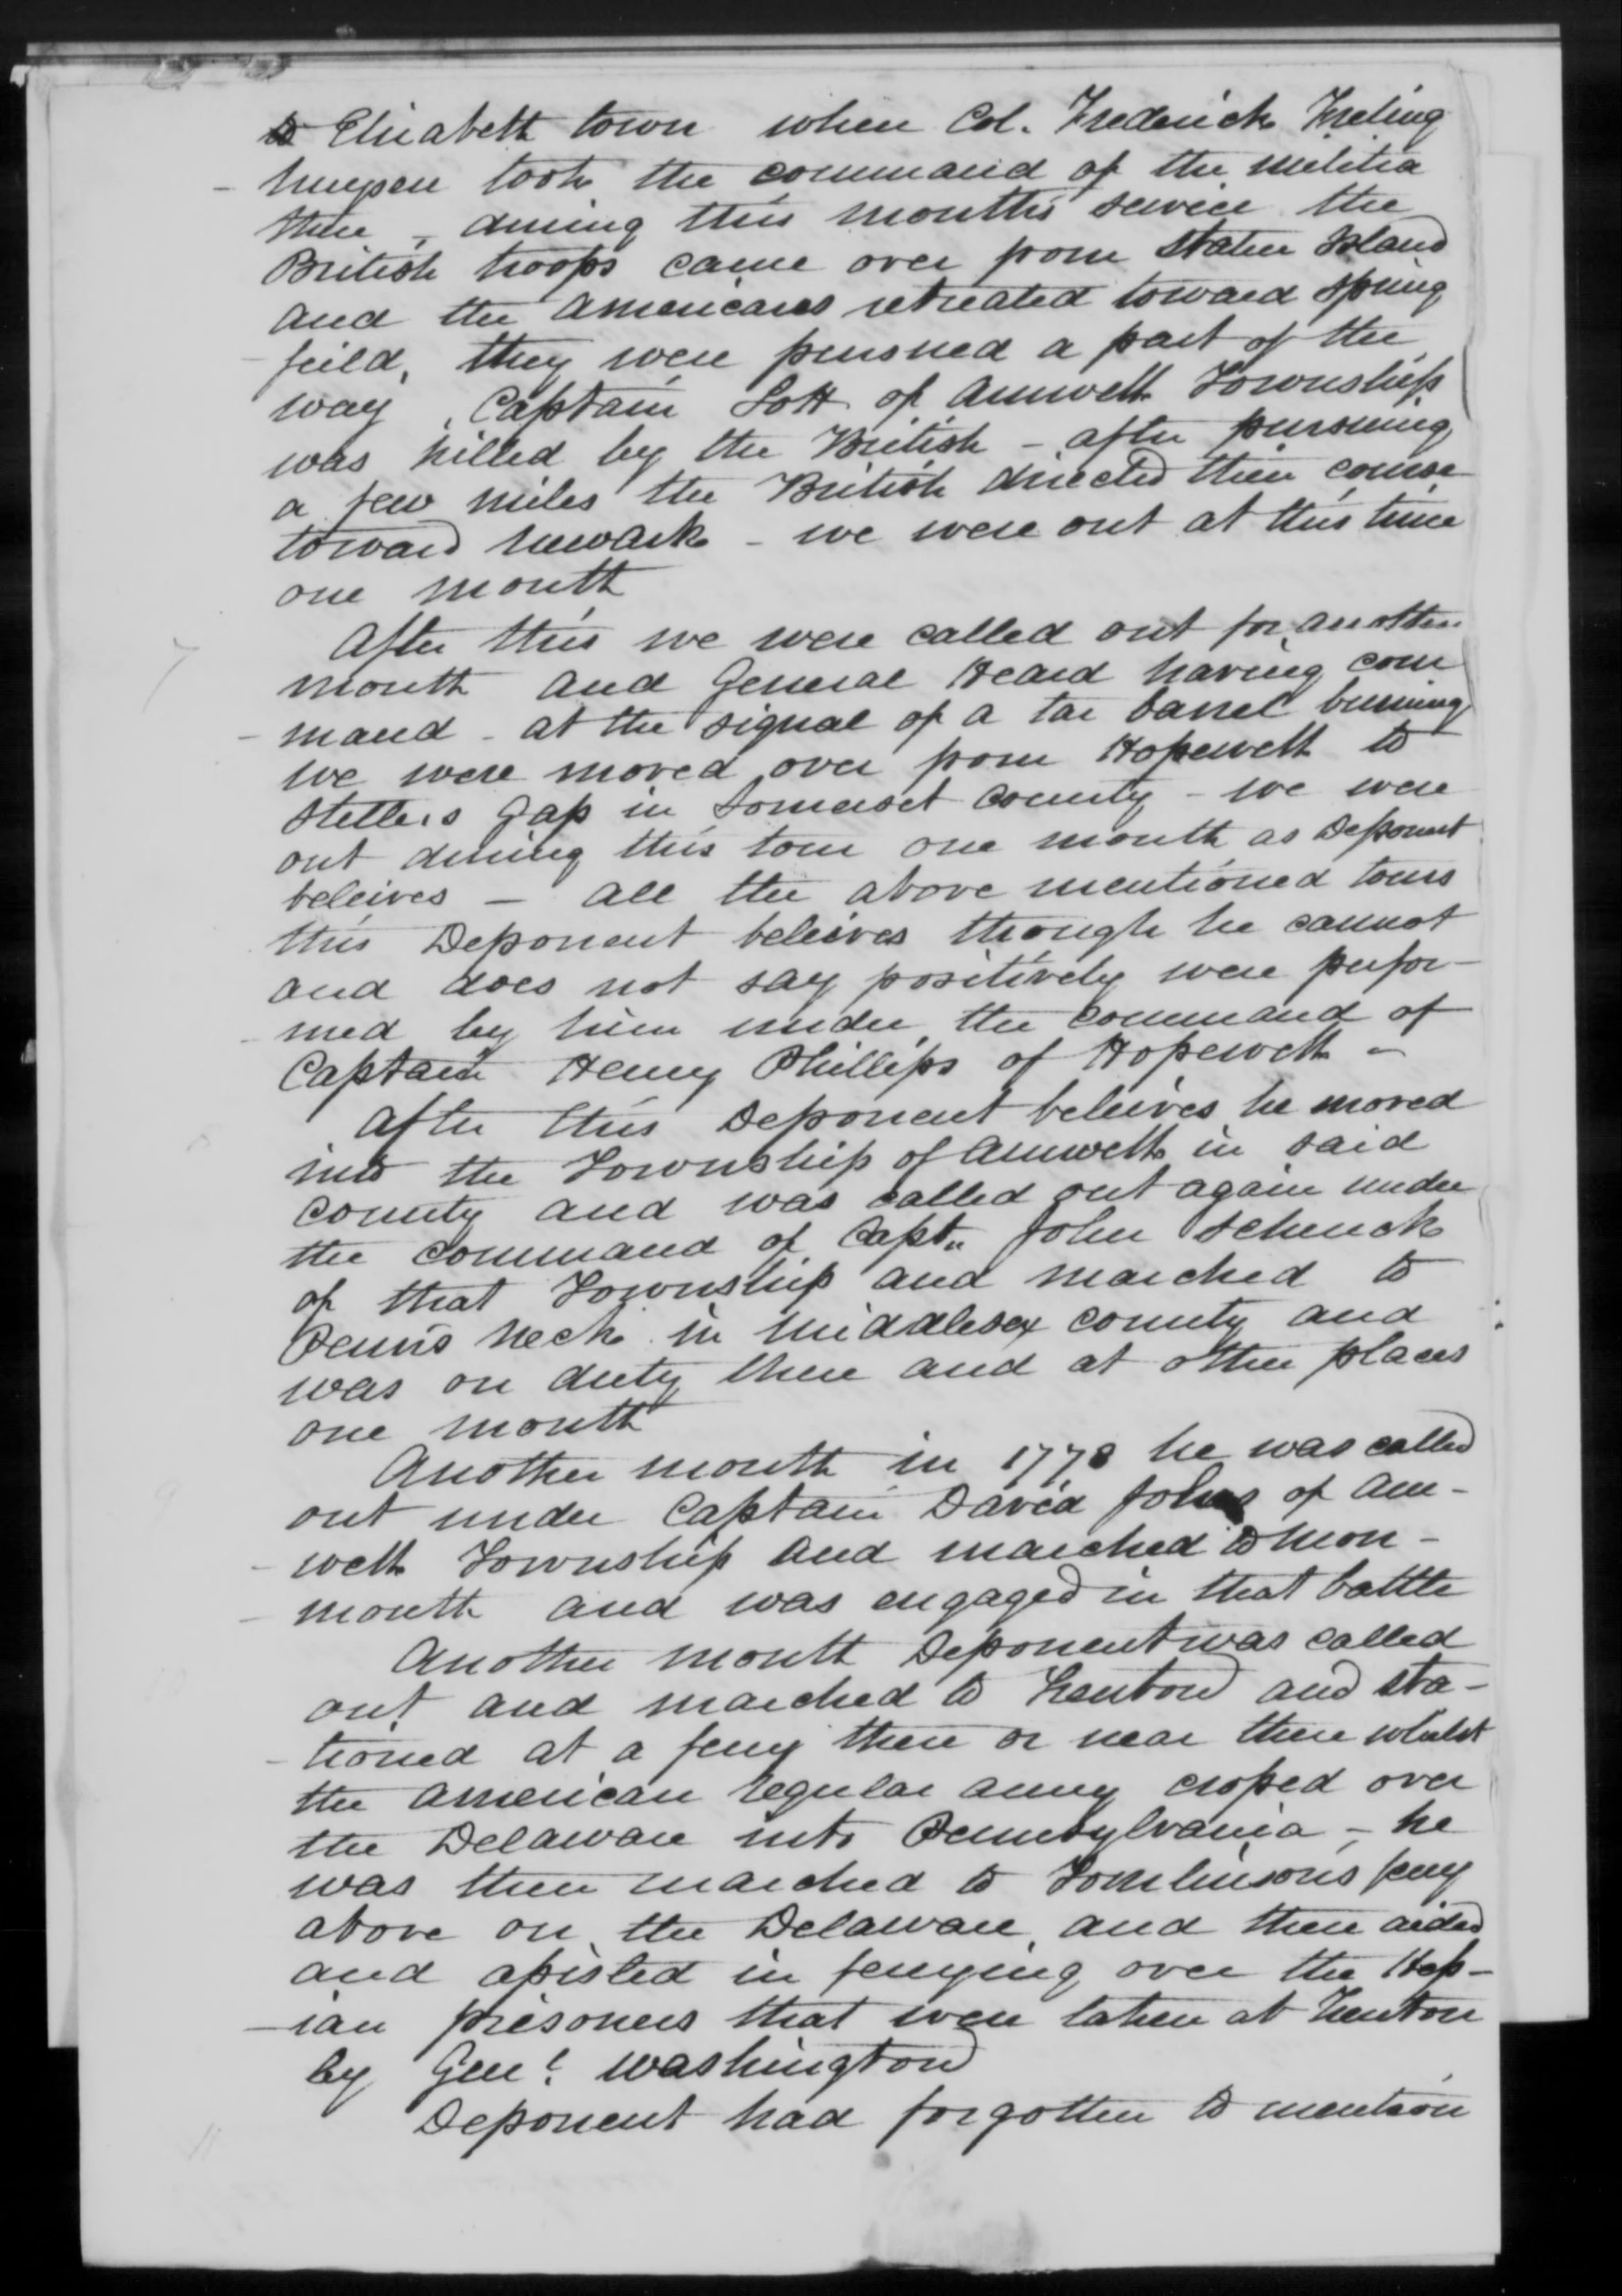to Elizabeth town when Colonel Frederich Freling
huison took the command of the militia
there during this month’s service the
British troops came over from Staten Island
and the Americans retreated toward Spring
feild. they were pursued a part of the
way. Captain Lott[?] of Amwell Township
was killed by the British - after pursuing
a few miles the British directed their curse
toward Newark - we were out at this time
one month
After this we were called out for another
month and General Heard having com
mand - at the signal of a tar barrel burning
we were moved over from Hopewell to
Stiller’s[?] Gap in Somerset county - we were
out during this tour one month as Deponent
believes - all the above mentioned tours
this Deponent believes though he cannot
and does not say positively were perfor-
med by him under the command of
Captain Henry Phillips of Hopewell -
After this Deponent believes he moved
into the Township of Amwell in said
county and was called out again under
the command of Capt.. John Schenck
of that Township and marched to
Penn’s Neck in Middlesex county and
was no duty there and at other places
one month
Another month in 1778 he was called
out under Captain David Johns of Am
well Township and marched to Mon-
mouth and was engaged in that battle
Another month Deponent was called
out and marched to Trenton and sta-
tioned at the ferry there or near there whilst
the American regular army crossed over
the Delaware into Pennsylvania - he
was then marched to Tomlinson’s ferry
above on the Delaware, and there aided
and assisted in ferrying over the Hess-
-ian prisoners that were taken at Trenton
by Genl Washington
Deponent has forgotten to mention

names: David Johns, Heard, John Schenck, Henry Phillips, Lott, Frederick Frelinghuysen, Washington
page: 14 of 67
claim: widow's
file: W. 2393, Jacob Williamson, New Jersey